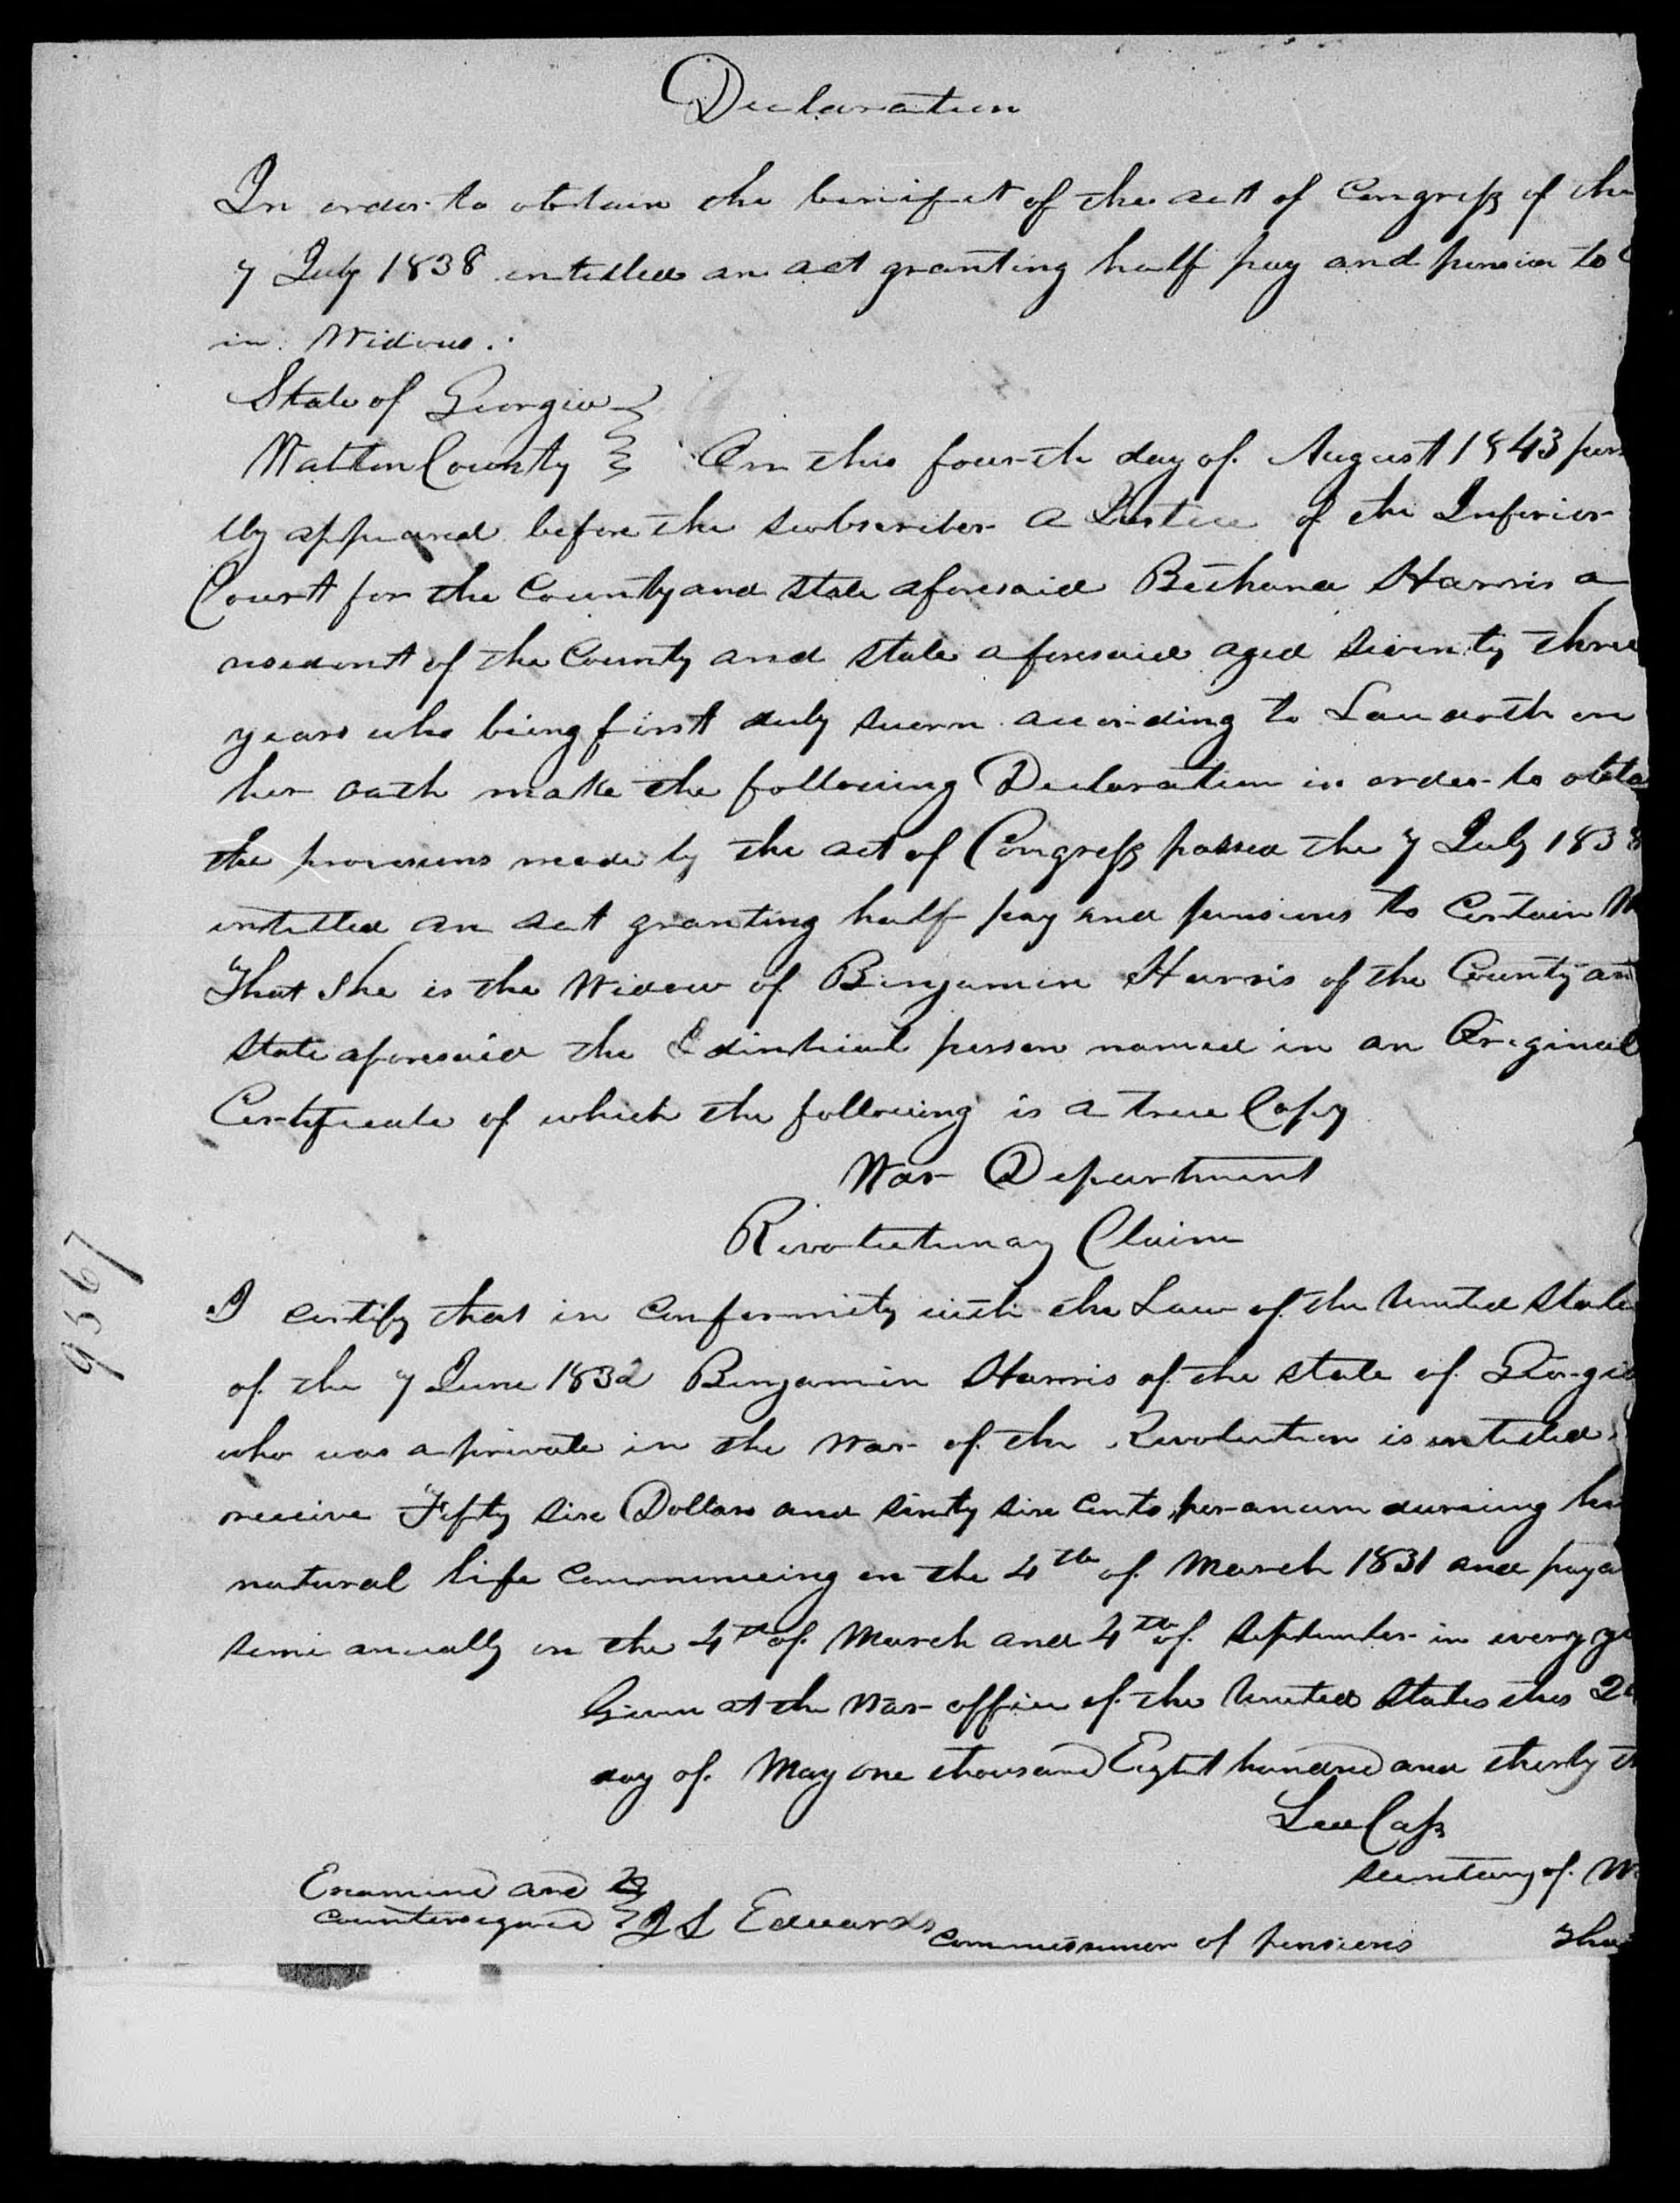Declaration 
In order to obtain the benefit of the act of Congress of the 7 July 1838 entitled an act granting half pay and pension to certain Widow 

State of Georgia Walton County ⎬ 
On this fourth day of August 1843 personally appeared before the subscriber a Justice of the Inferior Court for the County and State aforesaid Bethana Harris a resident of the County and State aforesaid aged seventy three years who being first duly sworn according to Law doth on her oath make the following Declaration in order to obtain the provisions made by the act of Congress passed the 7 July 1838 entitled an act granting half pay and pensions to contain widows

That she is the widow of Benjamin Harris of the County and State aforesaid the Identical person named in an original Certificate of which the following is a true Copy 

War Department Revolutionary Claim 
I certify that in conformity with the Law of the United State of the 7 June 1832 Benjamin Harris of the State of Georgia who was a private in the War of the Revolution is entitled receive fifty six Dollars and sixty six cents per annum during he natural life commencing on the 4th of March 1831 and payed semi- annually on the 4th of March and 4th of September in every year.

Given at the War office of the United States this 24 day of May one thousand Eight hundred and thirty 
Leo Cass
Secretary of War

Examine and countersigned J L Edwards Commissioner of Pensions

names: Bethana Harris, Benjamin Harris, Leo Cass, J L Edwards, Benjamin Harris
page: 18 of 62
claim: survivor's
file: S. 38816, Benjamin Harris, Mass.